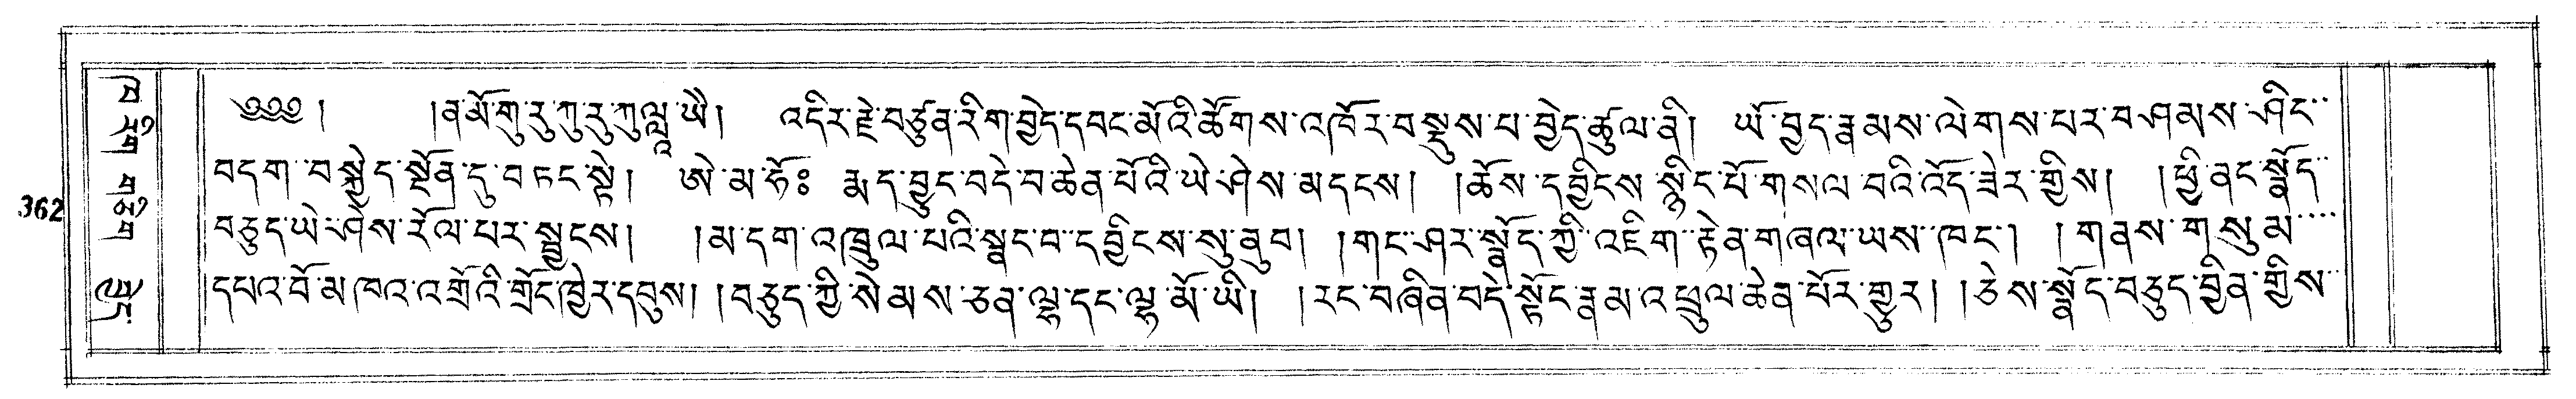༄༅༅། །ན་མོ་གུ་རུ་ཀུ་རུ་ཀུལླཱ་ཡཻ། འདིར་རྗེ་བཙུན་རིག་བྱེད་དབང་མོའི་ཚོགས་འཁོར་བསྡུས་པ་བྱེད་ཚུལ་ནི། ཡོ་བྱད་རྣམས་ལེགས་པར་བཤམས་ཤིང་
བདག་བསྐྱེད་སྔོན་དུ་བཏང་སྟེ། ཨེ་མ་ཧོཿ རྨད་བྱུང་བདེ་བ་ཆེན་པོའི་ཡེ་ཤེས་མདངས། །ཆོས་དབྱིངས་སྙིང་པོ་གསལ་བའི་འོད་ཟེར་གྱིས། །ཕྱི་ནང་སྣོད་
བཅུད་ཡེ་ཤེས་རོལ་པར་སྦྱངས། །མ་དག་འཁྲུལ་པའི་སྣང་བ་དབྱིངས་སུ་ནུབ། །གང་ཤར་སྣོད་ཀྱི་འཇིག་རྟེན་གཞལ་ཡས་ཁང་། །གནས་གསུམ་
དཔའ་བོ་མཁའ་འགྲོའི་གྲོང་ཁྱེར་དབུས། །བཅུད་ཀྱི་སེམས་ཅན་ལྷ་དང་ལྷ་མོ་ཡི། །རང་བཞིན་བདེ་སྟོང་རྣམ་འཕྲུལ་ཆེན་པོར་གྱུར། །ཅེས་སྣོད་བཅུད་བྱིན་གྱིས་